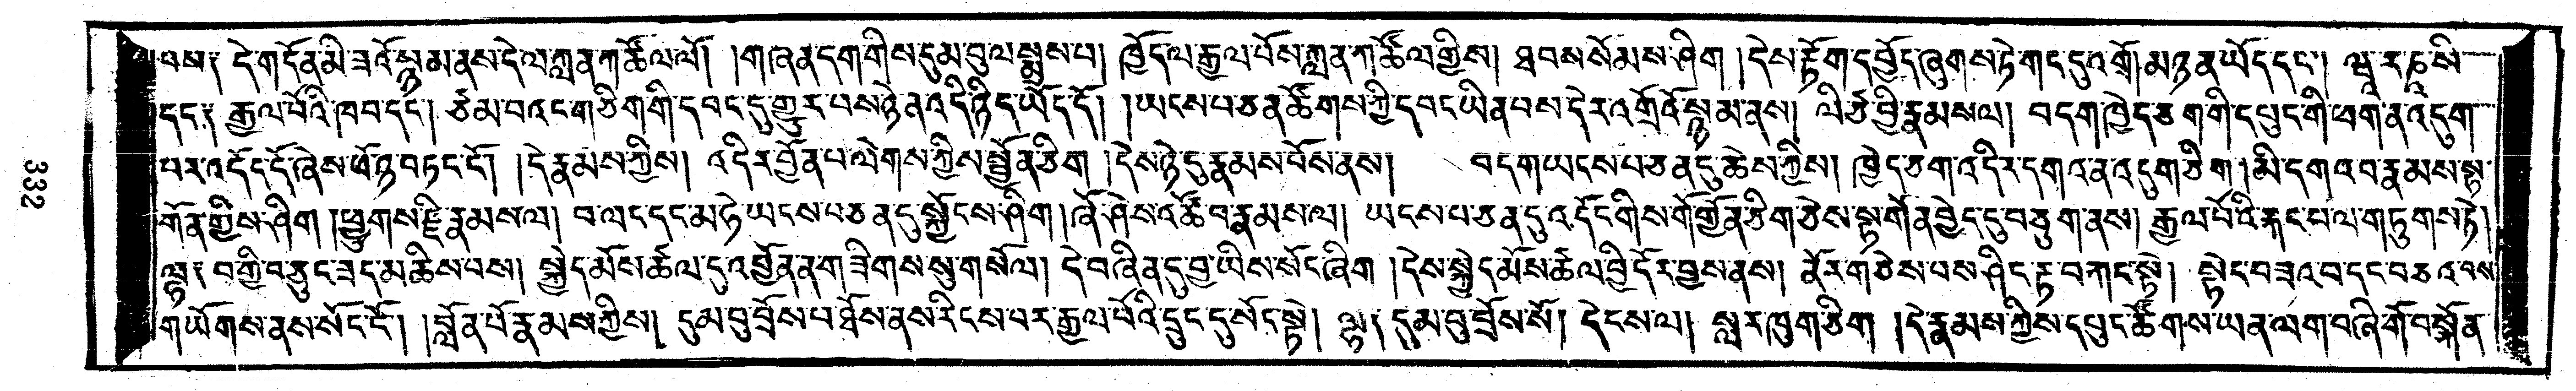པས༑ དེ་གདོན་མི་ཟའོ་སྙམ་ནས་དེ་ལ་ཀླན་ཀ་ཚོལ་ལོ། །གཞན་དག་གིས་དུམ་བུ་ལ་སྨྲས་པ། ཁྱོད་ལ་རྒྱལ་པོས་ཀླན་ཀ་ཚོལ་གྱིས། ཐབས་སོམས་ཤིག །དེས་རྟོག་དཔྱོད་ཞུགས་ཏེ་གང་དུ་འགྲོ། མཉན་ཡོད་དང་། ཝཱ་ར་ཎཱ་སི་
དང༑ རྒྱལ་པོའི་ཁབ་དང་། ཙམ་པའང་གཅིག་གི་དབང་དུ་གྱུར་པས་ཉེ་ན་འདི་ཉིད་ཡོད་དོ། །ཡངས་པ་ཅན་ཚོགས་ཀྱི་དབང་ཡིན་པས་དེར་འགྲོའོ་སྙམ་ནས། ལི་ཙ་བྱི་རྣམས་ལ། བདག་ཁྱེད་ཅག་གི་དཔུང་གི་ཕག་ན་འདུག་
པར་འདོད་དོ་ཞེས་ཕོ་ཉ་བཏང་ངོ། །དེ་རྣམས་ཀྱིས། འདིར་བྱོན་པ་ལེགས་ཀྱིས་སྦྱོན་ཅིག །དེས་ཉེ་དུ་རྣམས་པོས་ནས། བདག་ཡངས་པ་ཅན་དུ་ཆེས་ཀྱིས། ཁྱེད་ཅག་འདིར་དགའ་ན་འདུག་ཅིག །མི་དགའ་བ་རྣམས་སྟ་
གོན་གྱིས་ཤིག །ཕྱུགས་རྫི་རྣམས་ལ། བ་ལང་དང་མ་ཧེ་ཡངས་པ་ཅན་དུ་སྐྱོངས་ཤིག །ཞོ་ཤེས་འཚོ་བ་རྣམས་ལ། ཡངས་པ་ཅན་དུ་འདོང་གིས་གོ་གྱོན་ཅིག་ཅེས་སྟ་གོན་བྱེད་དུ་བཅུག་ནས། རྒྱལ་པོའི་རྐང་པ་ལ་གཏུགས་ཏེ།
ལྷ༑ བ་གྱི་བ་ཅུང་ཟད་མཆིས་པས། སྐྱེད་མོས་ཚལ་དུ་འབྱོན་ན་གཟིགས་སུ་གསོལ། དེ་བཞིན་དུ་བྱ་ཡིས་སོང་ཞིག །དེས་སྐྱེད་མོས་ཚལ་བྱི་དོར་བྱས་ནས། ནོར་གཅེས་པས་ཤིང་རྟ་བཀང་སྟེ། སྟེང་བཟའ་བ་དང་བཅའ་བས་
གཡོགས་ནས་སོང་ངོ། །བློན་པོ་རྣམས་ཀྱིས། དུམ་བུ་བྲོས་པ་ཐོས་ནས་རིངས་པར་རྒྱལ་པོའི་དྲུང་དུ་སོང་སྟེ། ལྷ༑ དུམ་བུ་བྲོས་སོ། དེངས་ལ། སླར་ཁུག་ཅིག །དེ་རྣམས་ཀྱིས་དཔུང་ཚོགས་ཡན་ལག་བཞི་གོ་བསྐོན་